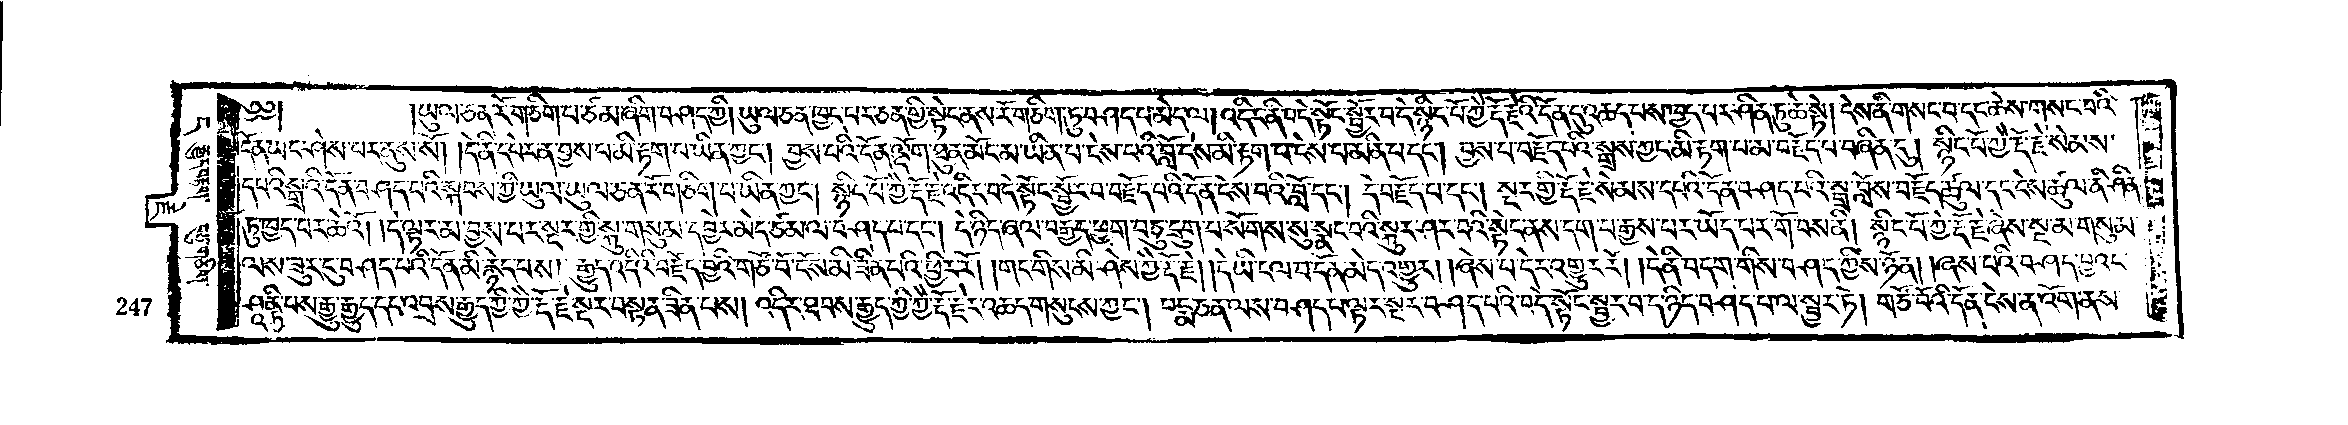༄༅། །ཡུལ་ཅན་རོ་གཅིག་པ་ཙམ་ཞིག་བཤད་ཀྱི། ཡུལ་ཅན་ཁྱད་པར་ཅན་གྱི་སྟེང་ནས་རོ་གཅིག་ཏུ་བཤད་པ་མེད་ལ། འདིར་ནི་བདེ་སྟོང་སྦྱོར་བ་དེ་སྙིང་པོ་ཀྱཻ་རྡོ་རྗེའི་དོན་དུ་འཆད་པས་ཁྱད་པར་ཤིན་ཏུ་ཆེ་སྟེ། དེས་ནི་གསང་བ་དང་ཆེས་གསང་བའི་
དོན་ཡང་ཤེས་པར་ནུས་སོ། །དེ་ནི་དཔེར་ན་བྱས་པ་མི་རྟག་པ་ཡིན་ཀྱང་། བྱས་པའི་དོན་ལྡོག་ཐུན་མོང་མ་ཡིན་པ་ངེས་པའི་བློ་དེས་མི་རྟག་པ་ངེས་པ་མིན་པ་དང་། བྱས་པ་བརྗོད་པའི་སྒྲས་ཀྱང་མི་རྟག་པ་མ་བརྗོད་པ་བཞིན་དུ། སྙིང་པོ་ཀྱཻ་རྡོ་རྗེ་སེམས་
དཔའི་སྒྲའི་དོན་བཤད་པའི་སྐབས་ཀྱི་ཡུལ་ཡུལ་ཅན་རོ་གཅིག་པ་ཡིན་ཀྱང་། སྙིང་པོ་ཀྱཻ་རྡོ་རྗེ་འདིར་བདེ་སྟོང་སྦྱོར་བ་བརྗོད་པའི་དོན་ངེས་པའི་བློ་དང་། དེ་བརྗོད་པ་དང་། སྔར་གྱི་རྡོ་རྗེ་སེམས་དཔའི་དོན་བཤད་པའི་སྒྲ་བློས་བརྗོད་ཚུལ་དང་ངེས་ཚུལ་ནི་ཤིན་
ཏུ་ཁྱད་པར་ཆེའོ། །དེ་ལྟར་མ་བྱས་པར་སྔར་གྱི་སྐུ་གསུམ་དབྱེར་མེད་ཙམ་ལ་བཤད་པ་དང་། དེ་ཉིད་ཞལ་བརྒྱད་ཕྱག་བཅུ་དྲུག་པ་སོགས་སུ་སྣང་བའི་སྐུར་ཤར་བའི་སྟེང་ནས་དག་པ་རྒྱས་པར་ཡོད་པར་གོ་བས་ནི། སྙིང་པོ་ཀྱེ་རྡོ་རྗེ་ཞེས་སྔ་མ་གསུམ་
ལས་ཟུར་དུ་བཤད་པའི་དོན་མི་རྙེད་པས། རྒྱུད་འདིའི་བརྗོད་བྱའི་གཙོ་བོ་ངོས་མི་ཟིན་པའི་ཕྱིར་རོ། །གང་གིས་མི་ཤེས་ཀྱཻ་རྡོ་རྗེ། །དེ་ཡི་ངལ་བ་དོན་མེད་འགྱུར། །ཞེས་པ་དེར་འགྱུར་རོ། །དེ་ནི་བདག་གིས་བཤད་ཀྱིས་ཉོན། །ཞས་པའི་བཤད་བྱའང་
ཤཱནྟི་པས་རྒྱུ་རྒྱུད་དང་འབྲས་རྒྱུད་ཀྱི་ཀྱཻ་རྡོ་རྗེ་སྔར་བསྟན་ཟིན་པས། འདིར་ཐབས་རྒྱུད་ཀྱི་ཀྱཻ་རྡོ་རྗེར་འཆད་གསུངས་ཀྱང་། པདམ་ཅན་ལས་བཤད་པ་ལྟར་སྔར་བཤད་པའི་བདེ་སྟོང་སྦྱར་བ་དེ་ཉིད་བཤད་པ་ལ་སྦྱར་ཏེ། གཙོ་བོའི་དོན་ངེས་ན་འོག་ནས་